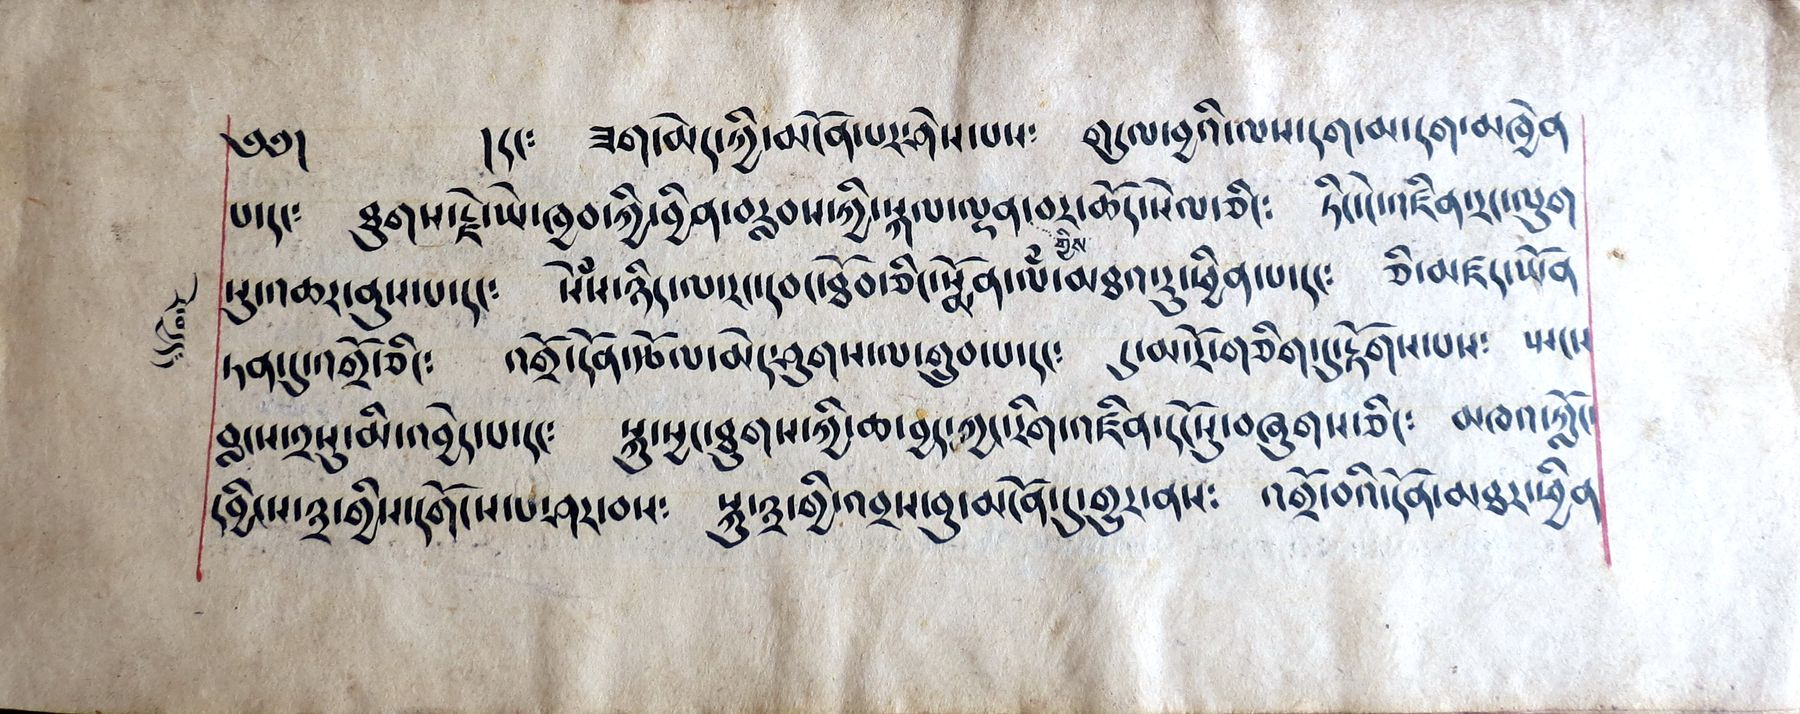དང་། ཟག་མེད་ཀྱི་མངོན་པར་ཤེས་པས་གདུལ་བྱའི་ལས་དག་མ་དག་མཁྱེན་
པ་དང་། ཐུགས་རྗེ་ཡེ་ཁྱབ་ཀྱི་བྱིན་རླབས་ཀྱིས་སྐལ་ལྡན་གྱི་བར་ཆོད་སེལ་ཞིང་། ཏིང་ངེ་འཛིན་རང་ལུགས་
སུ་འཆར་བར་ནུས་པ་དང་། སེམས་ཉིད་ལ་རང་དབང་ཐོབ་ཅིང་སྨོན་ལམ་མཐའ་རུ་ཕྱིན་པ་དང་། ཅི་མཛད་ཡོན་
ཏན་དུ་འགྲོ་ཅིང་། འགྲོ་དོན་རྩོལ་མེད་དུ་ཤུགས་ལ་གྲུབ་པ་དང་། དུ་མ་རོ་གཅིག་ཏུ་རྟོགས་པས། སྤང་
བླང་གཉིས་སུ་མི་འབྱེད་པ་དང་། སྐུ་གསུང་ཐུགས་ཀྱི་ཆ་བྱད་ཀྱང་རིག་འཛིན་དངོས་སུ་བཞུགས་ཤིང་། མཁའ་ཀློང་
དབྱིངས་གསུམ་གྱི་དགོངས་པ་ཤར་བས། སྐུ་གསུམ་གྱི་འབྲས་བུ་མངོན་དུ་གྱུར་ནས། འགྲོ་བའི་དོན་མཐར་ཕྱིན་